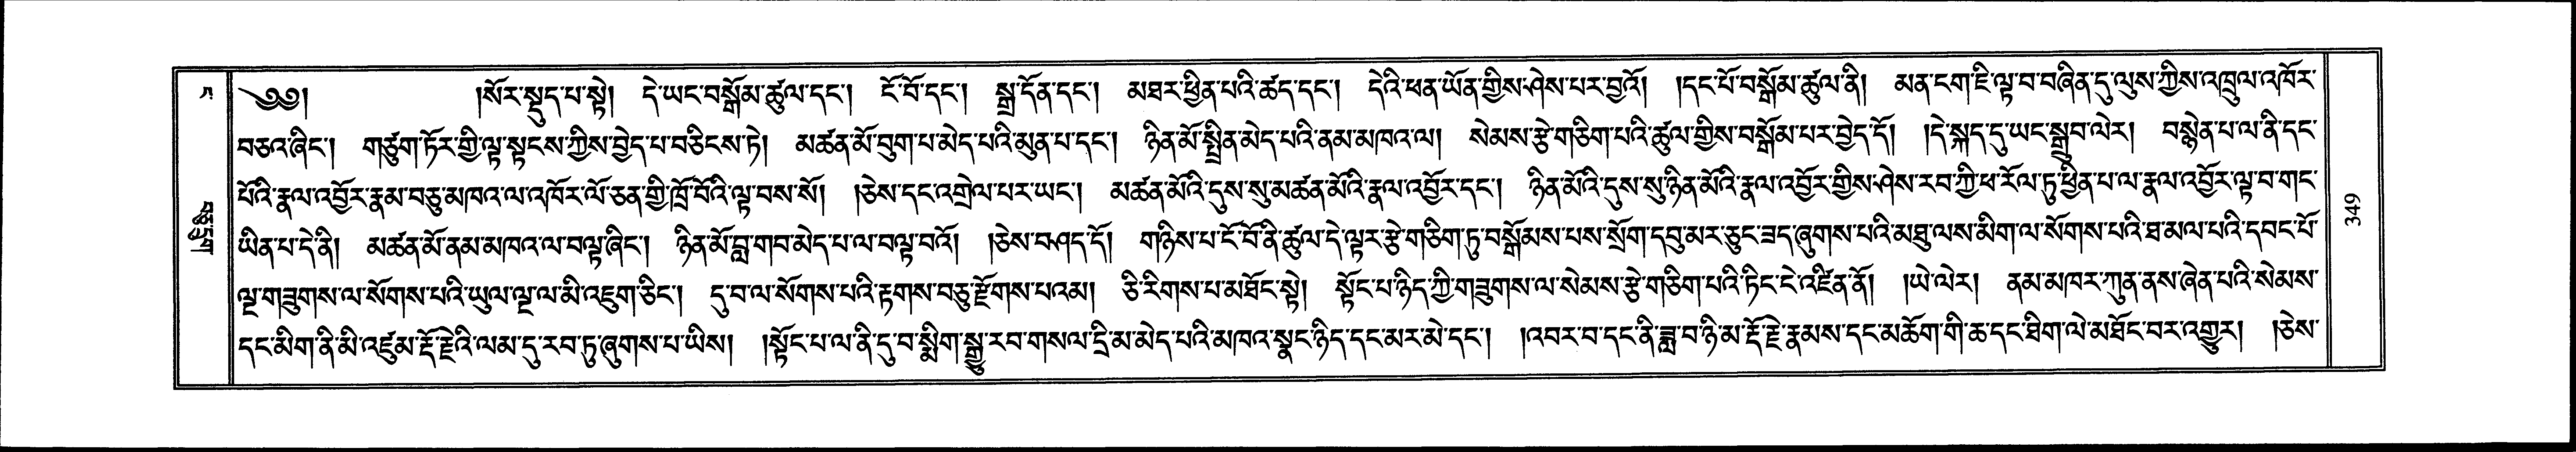༄༅། །སོར་སྡུད་པ་སྟེ། དེ་ཡང་བསྒོམ་ཚུལ་དང་། ངོ་བོ་དང་། སྒྲ་དོན་དང་། མཐར་ཕྱིན་པའི་ཚད་དང་། དེའི་ཕན་ཡོན་གྱིས་ཤེས་པར་བྱའོ། །དང་པོ་བསྒོམ་ཚུལ་ནི། མན་ངག་ཇི་ལྟ་བ་བཞིན་དུ་ལུས་ཀྱིས་འཁྲུལ་འཁོར་
བཅའ་ཞིང་། གཙུག་ཏོར་གྱི་ལྟ་སྟངས་ཀྱིས་བྱེད་པ་བཅིངས་ཏེ། མཚན་མོ་བུག་པ་མེད་པའི་མུན་པ་དང་། ཉིན་མོ་སྤྲིན་མེད་པའི་ནམ་མཁའ་ལ། སེམས་རྩེ་གཅིག་པའི་ཚུལ་གྱིས་བསྒོམ་པར་བྱེད་དོ། །དེ་སྐད་དུ་ཡང་སྒྲུབ་ལེར། བསྙེན་པ་ལ་ནི་དང་
པོའི་རྣལ་འབྱོར་རྣམ་བཅུ་མཁའ་ལ་འཁོར་ལོ་ཅན་གྱི་ཁྲོ་བོའི་ལྟ་བས་སོ། །ཅེས་དང་འགྲེལ་པར་ཡང་། མཚན་མོའི་དུས་སུ་མཚན་མོའི་རྣལ་འབྱོར་དང་། ཉིན་མོའི་དུས་སུ་ཉིན་མོའི་རྣལ་འབྱོར་གྱིས་ཤེས་རབ་ཀྱི་ཕ་རོལ་ཏུ་ཕྱིན་པ་ལ་རྣལ་འབྱོར་ལྟ་བ་གང་
ཡིན་པ་དེ་ནི། མཚན་མོ་ནམ་མཁའ་ལ་བལྟ་ཞིང་། ཉིན་མོ་བླ་གབ་མེད་པ་ལ་བལྟ་བའོ། །ཅེས་བཤད་དོ། གཉིས་པ་ངོ་བོ་ནི་ཚུལ་དེ་ལྟར་རྩེ་གཅིག་ཏུ་བསྒོམས་པས་སྲོག་དབུ་མར་ཅུང་ཟད་ཞུགས་པའི་མཐུ་ལས་མིག་ལ་སོགས་པའི་ཐ་མལ་བའི་དབང་པོ་
ལྔ་གཟུགས་ལ་སོགས་པའི་ཡུལ་ལྔ་ལ་མི་འཇུག་ཅིང་། དུ་བ་ལ་སོགས་པའི་རྟགས་བཅུ་རྫོགས་པའམ། ཅི་རིགས་པ་མཐོང་སྟེ། སྟོང་པ་ཉིད་ཀྱི་གཟུགས་ལ་སེམས་རྩེ་གཅིག་པའི་ཏིང་ངེ་འཛིན་ནོ། །ཡེ་ལེར། ནམ་མཁར་ཀུན་ནས་ཞེན་པའི་སེམས་
དང་མིག་ནི་མི་འཛུམ་རྡོ་རྗེའི་ལམ་དུ་རབ་ཏུ་ཞུགས་པ་ཡིས། །སྟོང་པ་ལ་ནི་དུ་བ་སྨིག་སྒྱུ་རབ་གསལ་དྲི་མ་མེད་པའི་མཁའ་སྣང་ཉིད་དང་མར་མེ་དང་། །འབར་བ་དང་ནི་ཟླ་བ་ཉི་མ་རྡོ་རྗེ་རྣམས་དང་མཆོག་གི་ཆ་དང་ཐིག་ལེ་མཐོང་བར་འགྱུར། །ཅེས་